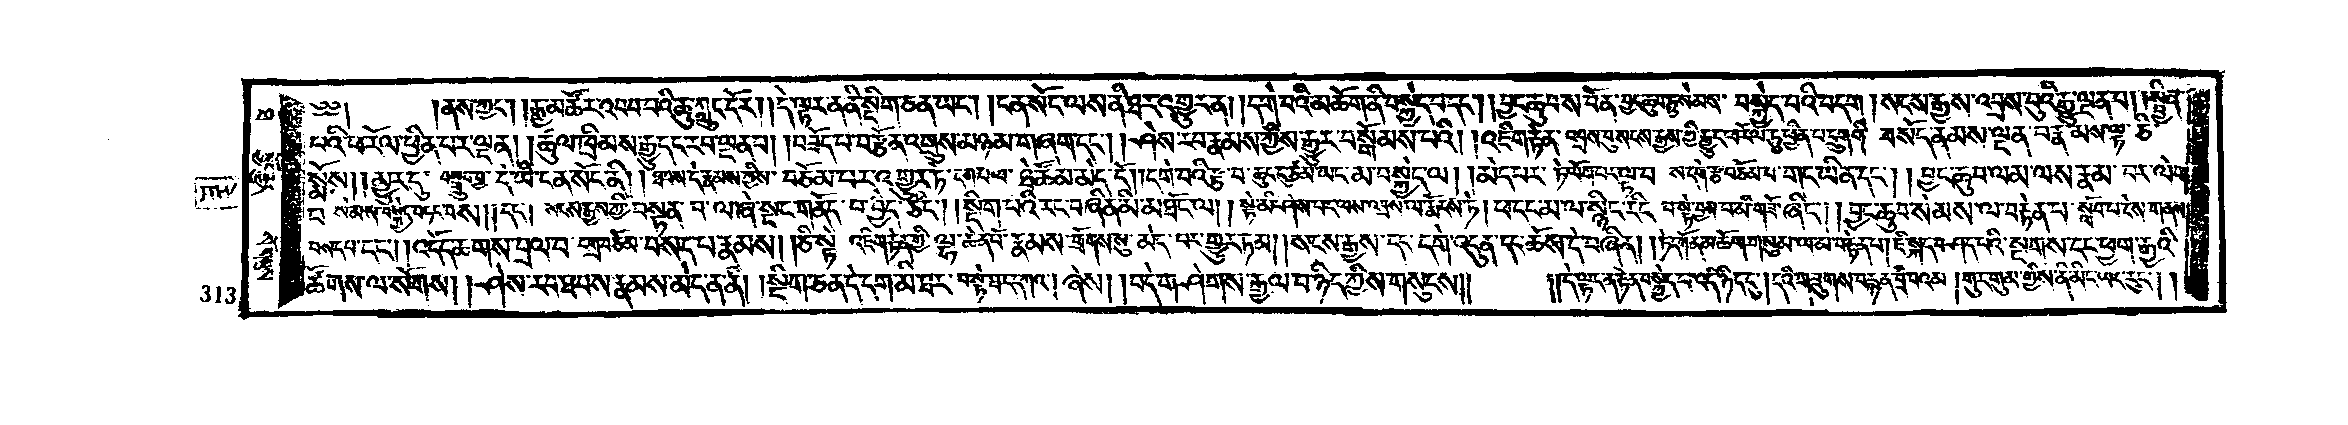༄༅། །ནས་ཀྱང་། །རྒྱ་མཚོར་འབབ་པའི་ཆུ་ཀླུང་དོར། །དེ་ལྟར་ན་ནི་སྡིག་ཅན་ཡང་། །ངན་སོང་ལས་ནི་ཐར་འགྱུར་ན། །དགེ་བའི་མཆོག་ནི་བསྐྱེད་པ་དང་། །བྱང་ཆུབ་ས་བོན་བྱང་ཆུབ་ཏུ་སེམས་བསྐྱེད་པའི་བདག། སངས་རྒྱས་འབྲས་བུའི་རྒྱུ་ལྡན་པ། །སྦྱིན་
པའི་ཕ་རོལ་ཕྱིན་པར་ལྡན། །ཚུལ་ཁྲིམས་རྒྱུ་དང་རབ་ལྡན་པ། །བཟོད་པ་བརྩོན་འགྲུས་མཉམ་གཞག་དང་། །ཤེས་རབ་རྣམས་ཀྱིས་རྒྱུར་བསྒོམས་པའི། །འཇིག་རྟེན་འབྲས་བུ་སངས་རྒྱས་ཀྱི་རྒྱུར་ཕ་རོལ་ཏུ་ཕྱིན་པ་དྲུག་གི་བསོད་ནམས་ལྡན་པ་རྣམས་ལྟ་ཅི་
སྨོས། །མྱུར་དུ་བསྒྲུབ་བྱ་དེ་ཡི་ངན་སོང་ནི། ། ཐབས་དེ་རྣམས་ཀྱིས་བཅོམ་པར་འགྱུར་ཏེ་དག་པ་ལ་ཐེ་ཚོམ་མེད་དོ། །དགེ་བའི་རྩ་བ་ཆུང་དུ་ཙམ་ཡང་མ་བསྐྱེད་ལ། །མེད་པར་ཏེ་ལོག་པར་ལྟ་བ་ས་དགེ་རྩ་བཅོམ་པ་གང་ཡིན་དང་། །བྱང་ཆུབ་ལམ་ལས་རྣམ་པར་ལེག་
པ་སེམས་བསྐྱེད་བཏང་བས། །དང་། སངས་རྒྱས་ཀྱི་བསྟན་པ་ལ་ཞེ་སྡང་གནོད་པ་བྱེད་ཅིང་། །སྡིག་པའི་རང་བཞིན་མི་མཐོང་ལ། ། སྟེ་མི་ཤེས་པར་ལས་འབྲས་ལ་རྨོངས་ཏེ། ཕ་དང་མ་ལ་སྙིང་རིང་བ་སྟེ་བྱས་པ་མི་གཟོ་ཞིང་། །བྱང་ཆུབ་སེམས་ལ་བརྟེན་པ་སློབ་པ་ངེས་གནས་
བསང་བ་དང་། །འདོད་ཆགས་བྲལ་བ་དགྲ་བཅོམ་བསད་པ་རྣམས། །ཅི་སྟེ་འཇིག་རྟེན་གྱི་ལྷ་ཆེན་པོ་རྣམས་གྲོགས་སུ་མེད་པར་གྱུར་ཏམ། །སངས་རྒྱས་དང་དགེ་འདུན་དང་ཆོས་དེ་བཞིན། ། ཏེ་དཀོན་མཆོག་གསུམ་ལ་མ་བརྟེན་པ། ཇི་སྐད་བཤད་པའི་སྔགས་དང་ཕྱག་རྒྱའི་
ཚོགས་ལ་སོགས། །ཤེས་རབ་ཐབས་རྣམས་མེད་ན་ནི། །སྡིག་ཅན་དེ་དག་མི་ཐར་བ་སྟེ་ཐར་དཀའ། ཞེས། །བདེ་གཤེགས་རྒྱལ་བ་ཉིད་ཀྱིས་གསུངས།། །།དེ་ལྟར་ན་རྟེན་བསྐྱེད་པ་འདི་ཉིད་དུ། དའི་གཟུགས་བརྙན་བྲི་བའམ། གུར་གུམ་གྱིས་ནི་མིང་ཡང་རུང་། །